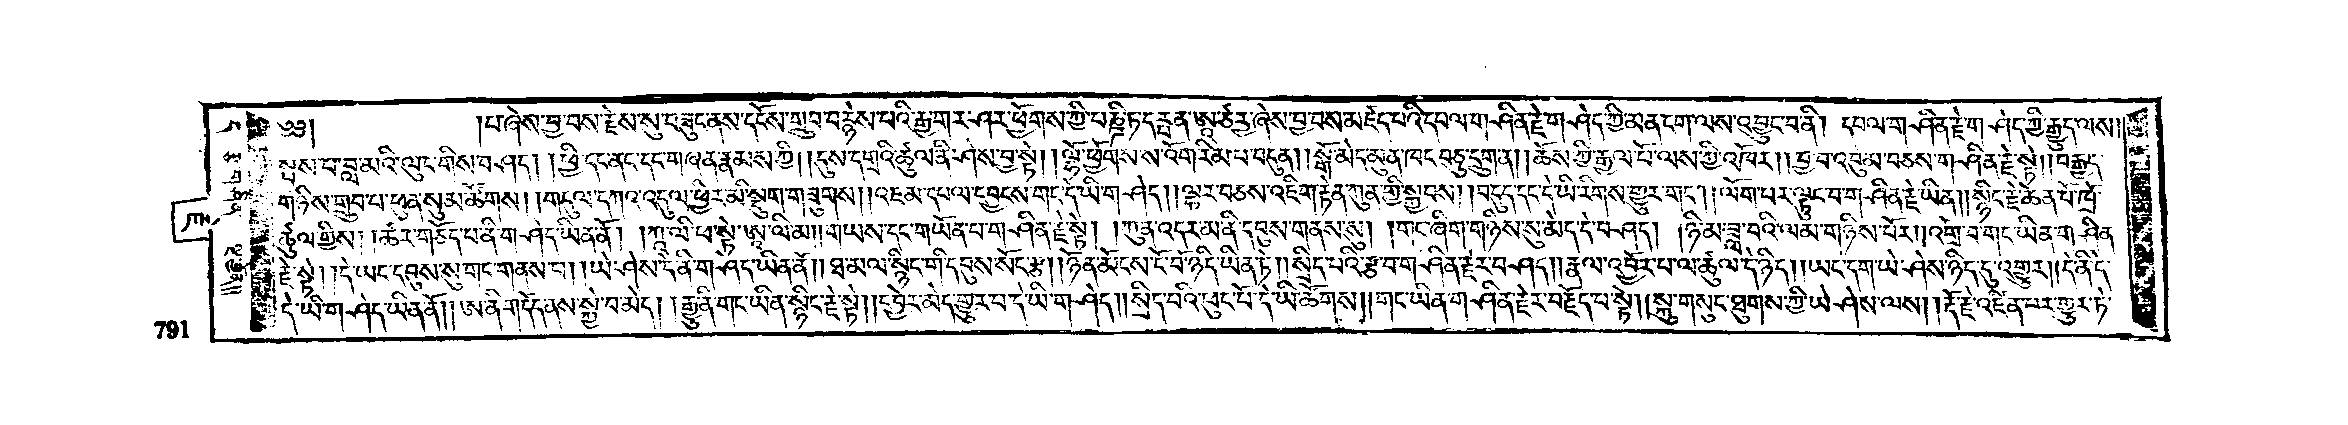༄༅། །པ་ཞེས་བྱ་བས་རྗེས་སུ་བཟུང་ནས་དངོས་གྲུབ་བརྙེས་པའི་རྒྱ་གར་ཤར་ཕྱོགས་ཀྱི་པཎྜི་ཏ་དརྤན་ཨཱ་ཙརྱ་ཞེས་བྱ་བས་མཛད་པའི་དཔལ་གཤིན་རྗེ་གཤེད་ཀྱི་མན་ངག་ལས་འབྱུང་བ་ནི། དཔལ་གཤིན་རྗེ་གཤེད་ཀྱི་རྒྱུད་ལས།
སྤས་པ་བླ་མའི་ལུང་གིས་བཤད། །ཕྱི་དང་ནང་དང་གཞན་རྣམས་ཀྱི། །དུས་དགྲའི་ཚུལ་ནི་ཤེས་བྱ་སྟེ། །ལྷོ་ཕྱོགས་ས་འོག་རིམ་པ་བདུན། །སྒོ་མེད་མུན་ཁང་བཅུ་དྲུག་ན། །ཆོས་ཀྱི་རྒྱལ་པོ་ལས་ཀྱི་འཁོར། །བྱ་བ་འབུམ་བཅས་གཤིན་རྗེ་སྟེ། །བརྒྱད་
གཉིས་གྲུབ་པ་ཕུན་སུམ་ཚོགས། །གདུལ་དཀའ་འདུལ་ཕྱིར་མི་སྡུག་གཟུགས། །འཇམ་དཔལ་དབྱངས་གང་དེ་ཡི་གཤེད། །ལྷར་བཅས་འཇིག་རྟེན་ཀུན་གྱི་སྐྱབས། །བདུད་དང་དེ་ཡི་རིགས་གྱུར་གང་། །ལོག་པར་ལྟུང་བ་གཤིན་རྗེ་ཡིན། །སྙིང་རྗེ་ཆེན་པོ་ཁྲོ་
ཚུལ་གྱིས། །ཚར་གཅོད་པ་ནི་གཤེད་ཡིན་ནོ། །ཀཱ་ལི་ཕ་སྟེ་ཨཱ་ལི་མ། །གཡས་དང་གཡོན་པ་གཤིན་རྗེ་སྟེ། །ཀུན་འདར་མ་ནི་དབུས་གནས་སུ། །གང་ཞིག་གཉིས་སུ་མེད་དེ་བཤད། །ཉི་མ་ཟླ་བའི་ལམ་གཉིས་པོར། །འགྲོ་བ་གང་ཡིན་གཤིན་
རྗེ་སྟེ། །དེ་ཡང་དབུས་སུ་གང་གནས་པ། །ཡེ་ཤེས་དེ་ནི་གཤེད་ཡིན་ནོ། །ཐ་མལ་སྙིང་གི་དབུས་སོང་རྩ། །ཉོན་མོངས་ངོ་བོ་ཉིད་ཡིན་ཏེ། །སྲིད་པའི་རྩ་བ་གཤིན་རྗེར་བཤད། །རྣལ་འབྱོར་པ་ལ་ཚུལ་དེ་ཉིད། །ཡང་དག་ཡེ་ཤེས་ཉིད་དུ་འགྱུར། །དེ་ནི་དེ་
དེ་ཡི་གཤེད་ཡིན་ནོ། །ཨ་ནི་གདོད་ནས་སྐྱེ་བ་མེད། །རྒྱུ་ནི་གང་ཡིན་སྙིང་རྗེ་སྟེ། །དབྱེར་མེད་གྱུར་པ་དེ་ཡི་གཤེད། །སྲིད་པའི་ཕུང་པོ་དེ་ཡི་ཚོགས། །གང་ཡིན་གཤིན་རྗེར་བརྗོད་པ་སྟེ། །སྐུ་གསུང་ཐུགས་ཀྱི་ཡེ་ཤེས་ལས། །རྡོ་རྗེ་འཛིན་པར་གྱུར་ཏེ་